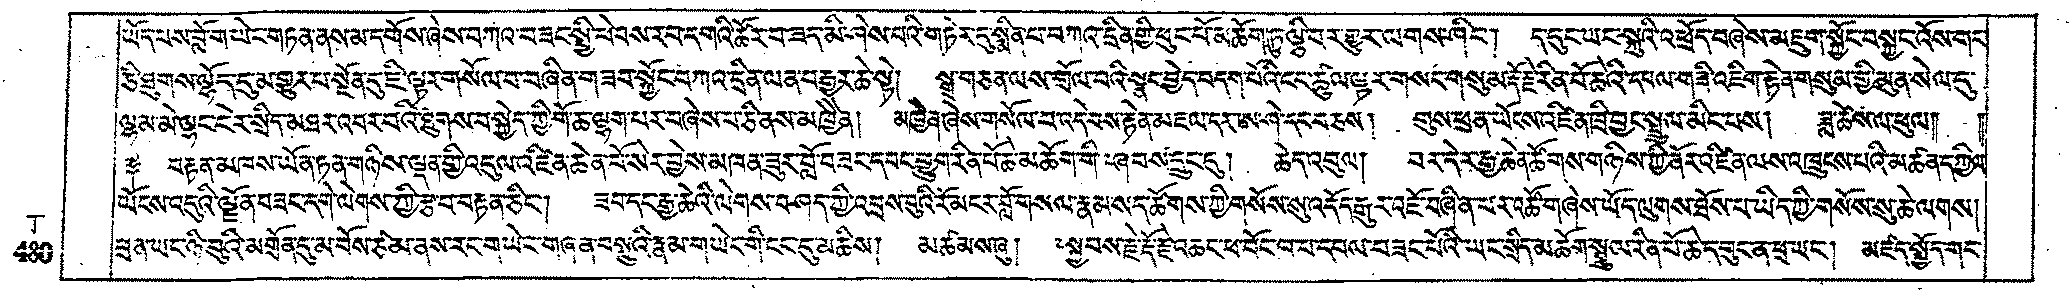ཡོད་པས་བློ་གཡེང་གཏན་ནས་མ་དགོས་ཞེས་བཀའ་བཟང་སྤྱི་ཕེབས་རབ་དགའི་ཚོར་བ་ཟད་མི་ཤེས་པའི་གཏེར་དུ་སྨིན་པ་བཀའ་དྲིན་གྱི་ཕུང་པོ་མཆོག་ཏུ་ལྕི་བར་གྱུར་ལགས་ཤིང་། ད་དུང་ཡང་སྐུའི་འཕྲོད་བཞེས་མཇུག་སྐྱོང་བསྐྱང་འོས་གང་
ཅི་ཐུགས་ལྷོད་དུ་མ་གྱུར་པ་སྔོན་དུ་ཇི་ལྟར་གསོལ་བ་བཞིན་གཟབ་སྐྱོང་བཀའ་དྲིན་ལན་བརྒྱར་ཆེ་སྟེ། སྒྲ་གཅན་ལས་གྲོལ་བའི་སྣང་བྱེད་བདག་པོའི་ངང་ཚུལ་ལྟར་གསང་གསུམ་རྡོ་རྗེ་རིན་པོ་ཆེའི་དཔལ་གཟི་འཇིག་རྟེན་གསུམ་གྱི་མུན་སེལ་དུ་
ལྷམ་མེ་ལྷང་ངེར་སྲིད་མཐར་འབར་བའི་ཐུགས་བསྐྱེད་ཀྱི་གོ་ཆ་ལྷག་པར་བཞེས་པ་ཅི་ནས་མཁྱཻཨེན། མཁྱཻན་ཞེས་གསོལ་བ་འདེབས་རྟེན་མཇལ་དར་ཨ་ཤེ་དང་བཅས། གུས་ཕྲན་ཡོངས་འཛིན་ཁྲི་བྱང་སྤྲུལ་མིང་པས། ཟླ་ཚེས་ལ་ཕུལ།། །།
འ་བརྟན་མཁས་ཡོན་ཏན་གཉིས་ལྡན་གྱི་འདུལ་འཛིན་ཆེན་པོ་སེར་བྱེས་མཁན་ཟུར་བློ་བཟང་དབང་ཕྱུག་རིན་པོ་ཆེ་མཆོག་གི ༧ཞབས་དྲུང་དུ། ཆེད་འབུལ། བར་དེར་རྒྱ་ཆེན་ཚོགས་གཉིས་ཀྱི་ནོར་འཛིན་ལས་འཁྲུངས་པའི་མཚན་དཀྱིལ་
ཡོངས་འདུའི་ལྗོན་བཟང་དགེ་ལེགས་ཀྱི་རྩ་བ་བརྟན་ཅིང་། ཟབ་དང་རྒྱ་ཆེའི་ལེགས་བཤད་ཀྱི་འབྲས་བུའི་རོ་མངར་བློ་གལ་རྣམ་སད་ཚོགས་ཀྱི་གསོས་སུ་འདོད་རྒུར་འཇོ་བཞིན་པར་འཚོ་གཞེས་ཡོད་ལུགས་ཐོས་པ་ཡིད་ཀྱི་གསོས་སུ་ཆེ་ལགས།
ཕྲན་ཡང་ཉི་བུའི་མགྲོན་དུ་མ་བོས་ཙམ་ནས་རང་གཡེང་གཞན་བསླུའི་རྣམ་གཡེང་གི་ངང་དུ་མཆིས། མཚམས་ཞུ། ༧སྐྱབས་རྗེ་རྡོ་རྗེ་འཆང་ཕ་བོང་ཁ་པ་དཔལ་བཟང་པོའི་ཡང་སྲིད་མཆོག་སྤྲུལ་རིན་པོ་ཆེ་དགུང་ན་ཕྲ་ཡང་། མཛད་སྤྱོད་གང་